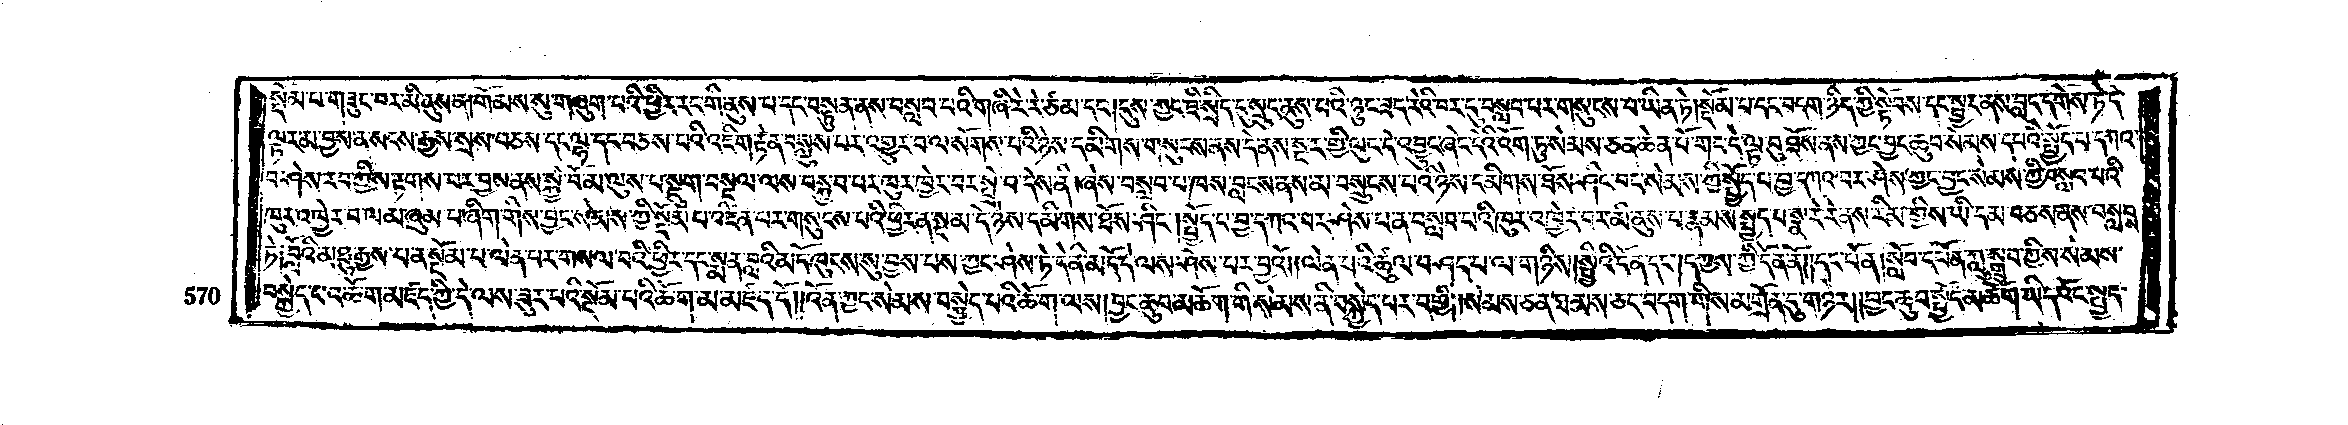སྡོམ་པ་གཟུང་བར་མི་ནུས་ན། གོམས་སུ་གཞུག་པའི་ཕྱིར་རང་གི་ནུས་པ་དང་བསྟུན་ནས་བསླབ་པའི་གཞི་རེ་རེ་ཙམ་དང་། དུས་ཀྱང་ཇི་སྲིད་དུ་སྲུང་ནུས་པའི་ཉུང་ཟད་རེའི་བར་དུ་བསླབ་པར་གསུངས་པ་ཡིན་ཏེ། སྡོམ་པ་དང་བདག་ཉིད་ཀྱི་སྟོབས་དང་སྦྱར་ནས་བླང་དགོས་ཏེ་དེ་
ལྟར་མ་བྱས་ན་སངས་རྒྱས་སྲས་བཅས་དང་ལྷ་དང་བཅས་པའི་འཇིག་རྟེན་བསླུས་པར་འགྱུར་བ་ལ་སོགས་པའི་ཉེས་དམིགས་གསུངས་ནས་དེ་ནས་སྔར་གྱི་ལུང་དེ་འབྱུང་ཞེང་དེའི་འོག་ཏུ་སེམས་ཅན་ཆེན་པོ་གང་དེ་ལྟ་བུ་ཐོས་ནས་ཀྱང་བྱང་ཆུབ་སེམས་དཔའི་སྤྱོད་པ་དཀའ་
བ་ཤེས་རབ་ཀྱིས་རྟགས་པར་བྱས་ན་སྐྱེ་བོ་མ་ལུས་པ་སྡུག་བསྔལ་ལས་བསྐྱབ་པར་ཁུར་ཁྱེར་བར་སྤྲེ་བ་དེས་ནི། ཞེས་བསླབ་པ་ཁས་བླངས་ནས་མ་བསྲུངས་པའི་ཉེས་དམིགས་ཐོས་ཤིང་བང་སེམས་ཀྱི་སྤྱོད་པ་བྱ་དཀའ་བར་ཤེས་ཀྱང་བྱང་སེམས་ཀྱི་བསླབ་པའི་
ཁུར་འཁྱེར་བ་ལམ་ཞུམ་པ་ཞིག་གིས་བྱང་སེམས་ཀྱི་སྡོམ་པ་འཛིན་པར་གསུངས་པའི་ཕྱིར་ན་སྔ་མ་དེ་ཉེས་དམིགས་ཐོས་ཤིང་། སྤྱོད་པ་བྱ་དཀའ་བར་ཤེས་པ་ན་བསླབ་པའི་ཁུར་འཁྱེར་བར་མི་ནུས་པ་རྣམས་སྤྱད་པ་སྣ་རེ་རེ་ནས་རིམ་གྱིས་ཡི་དམ་བཅས་ནས་བསླབས་
ཏེ༑ བློའི་མཐུ་རྒྱས་པ་ན་སྡོམ་པ་ལེན་པར་གསལ་བའི་ཕྱིར་དང་སྨན་བླའི་མདོ་ཁུངས་སུ་བྱས་པས་ཀྱང་ཤེས་ཏེ་དེ་ནི་མདོ་དེ་ལས་ཤེས་པར་བྱའོ། །ལེན་པའི་ཚུལ་བཤད་པ་ལ་གཉིས། སྤྱིའི་དོན་དང་། དཀྱས་ཀྱི་དོན་ནོ། །དང་པོ་ན། སློབ་དཔོན་ཀླུ་སྒྲུབ་ཀྱིས་སེམས་
བསྐྱེད་པ་ཆོ་ག་མཛད་ཀྱི་དེ་ལས་ཟུར་པའི་སྡོམ་པའི་ཆོ་ག་མ་མཛད་དོ། །འོན་ཀྱང་སེམས་བསྐྱེད་པའི་ཆོ་ག་ལས། བྱང་ཆུབ་མཆོག་གོ་སེམས་ནི་བསྐྱེད་པར་བགྱི། །སེམས་ཅན་ཐམས་ཅད་བདག་གིས་མགྲོན་དུ་གཉེར། །བྱང་ཆུབ་སྤྱོད་ཆོག་ཡིད་འོང་སྤྱད་